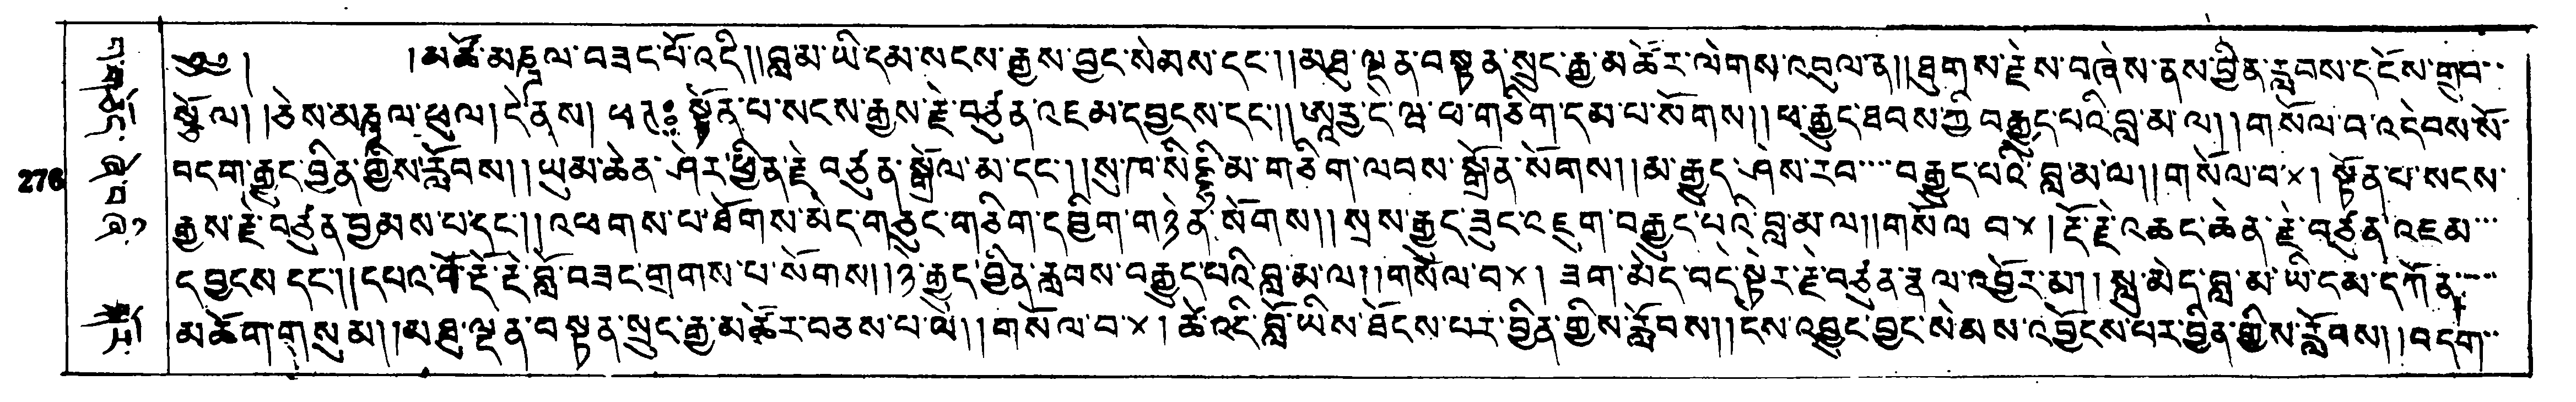༄༅། །མཚོ་མཎྜལ་བཟང་པོ་འདི། །བླ་མ་ཡི་དམ་སངས་རྒྱས་བྱང་སེམས་དང་། །མཐུ་ལྡན་བསྟན་སྲུང་རྒྱ་མཚོར་ལེགས་འབུལ་ན། །ཐུགས་རྗེས་བཞེས་ནས་བྱིན་རླབས་དངོས་གྲུབ་
སྩོལ། །ཅེས་མཎྜལ་ཕུལ། དེ་ནས། ཕཊཿ སྟོན་པ་སངས་རྒྱས་རྗེ་བཙུན་འཇམ་དབྱངས་དང་། ཨཱ་རྱ་དེ་ཝ་ཕ་གཅིག་དམ་པ་སོགས། །ཕ་རྒྱུད་ཐབས་ཀྱི་བརྒྱུད་པའི་བླ་མ་ལ། །གསོལ་བ་འདེབས་སོ་
བདག་རྒྱུད་བྱིན་གྱིས་རློབས། །ཡུམ་ཆེན་ཤེར་ཕྱིན་རྗེ་བཙུན་སྒྲོལ་མ་དང་། །སུ་ཁ་སིདྷཱཨི་?་མ་གཅིག་ལབས་སྒྲོན་སོགས། །མ་རྒྱུད་ཤེས་རབ་བརྒྱུད་པའི་བླ་མ་ལ། །གསོལ་བ་྾། སྟོན་པ་སངས་
རྒྱས་རྗེ་བཙུན་བྱམས་པ་དང་། །འཕགས་པ་ཐོགས་མེད་གཅུང་གཅིག་དབྱིག་གཉེན་སོགས། །སྲས་རྒྱུད་ཟུང་འཇུག་བརྒྱུད་པའི་བླ་མ་ལ། །གསོལ་བ་྾། རྡོ་རྗེ་འཆང་ཆེན་རྗེ་བཙུན་འཇམ་
དབྱངས་དང་། །དཔའ་བོ་རྡོ་རྗེ་བློ་བཟང་གྲགས་པ་སོགས། །ཉེ་རྒྱུད་བྱིན་རླབས་བརྒྱུད་པའི་བླ་མ་ལ། །གསོལ་བ་྾། ཟག་མེད་བདེ་སྟེར་རྗེ་བཙུན་རྣལ་འབྱོར་མ། །སླུ་མེད་བླ་མ་ཡི་དམ་དཀོན་
མཆོག་གསུམ། །མཐུ་ལྡན་བསྟན་སྲུང་རྒྱ་མཚོར་བཅས་པ་ལ། །གསོལ་བ་྾། ཚེ་འདི་བློ་ཡིས་ཐོངས་པར་བྱིན་གྱིས་རློབས། །ངེས་འབྱུང་བྱང་སེམས་འབྱོངས་པར་བྱིན་གྱིས་རློབས། །བདག་